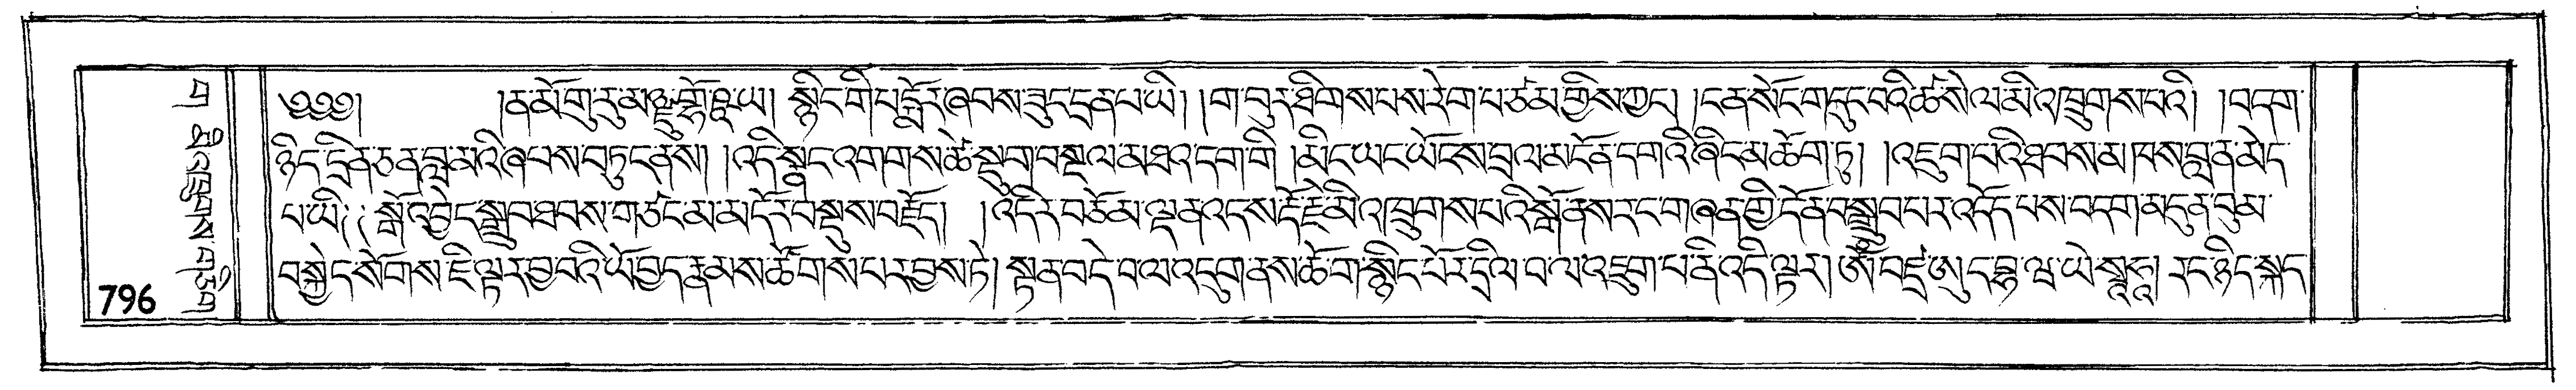༄༅༅། །ན་མོ་གུ་རུ་མཉྫུ་གྷོ་ཥཱ་ཡ། སྙིང་གི་པདམོར་ཞབས་ཟུང་དྲན་པ་ཡི། །ག་བུར་ཐིགས་པས་རེག་པ་ཙམ་གྱིས་ཀྱང་། །ངན་སོང་གདུང་བའི་ཚ་སེལ་མི་འཁྲུགས་པའི། །བདག་
ཉིད་དྲིན་ཅན་བླ་མའི་ཞབས་བཏུད་ནས། །འདི་སྣང་འགགས་ཚེ་སྡུག་བསྔལ་མཐའ་དག་གི །མིང་ཡང་ཡོངས་བྲལ་མངོན་དགའི་ཞིང་མཆོག་ཏུ། །འཇུག་པའི་ཐབས་མཁས་བླ་ན་མེད་
པ་ཡི༑ ༑སྒོ་འབྱེད་སྒྲུབ་ཐབས་གཙང་མ་མདོར་བསྡུས་བརྗོད། །འདིར་བཅོམ་ལྡན་འདས་རྡོ་རྗེ་མི་འཁྲུགས་པའི་སྒོ་ནས་རང་གཞན་གྱི་དོན་བསྒྲུབ་པར་འདོད་པས་བདག་མདུན་བུམ་
བསྐྱེད་སོགས་ཇི་ལྟར་བྱ་བའི་ཡོ་བྱད་རྣམས་ཚོགས་པར་བྱས་ཏེ། སྟན་བདེ་བ་ལ་འདུག་ནས་ཆོ་ག་སྙིང་པོར་དྲིལ་བ་ལ་འཇུག་པ་ནི་འདི་ལྟར། ཨོཾ་བཛྲ་ཨུད་བྷ་ཝ་ཡེ་སྭཱཧཱ། རང་ཉིད་སྐད་